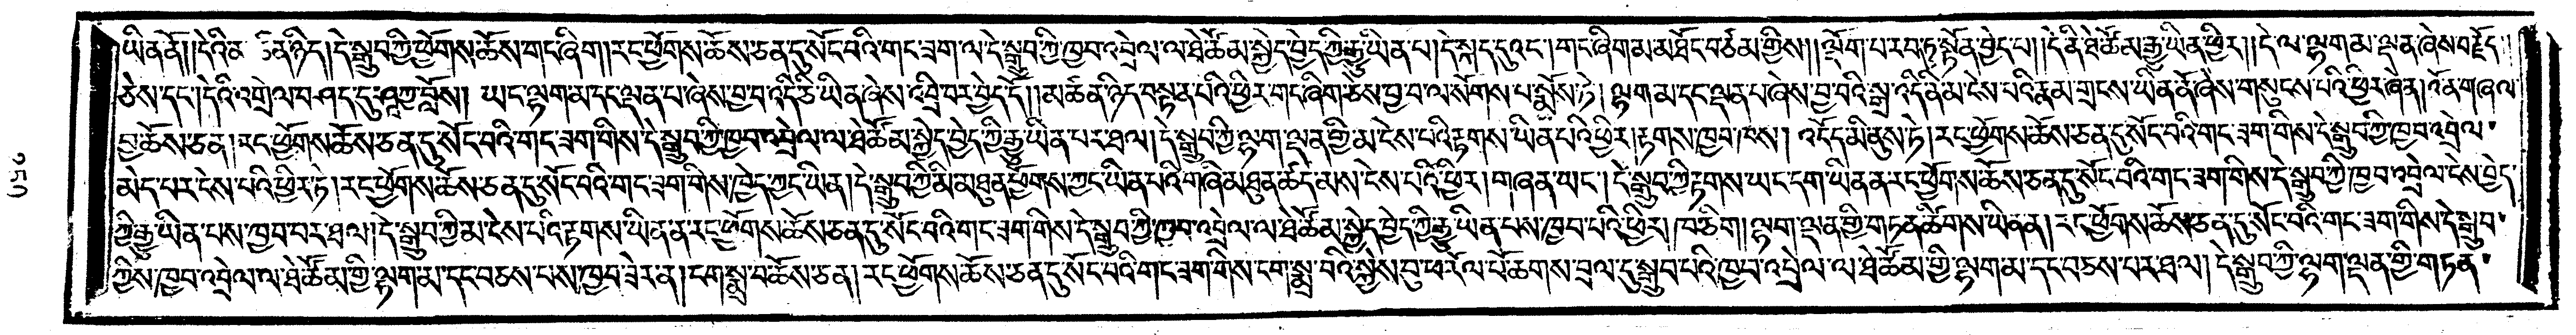ཡིན་ནོ། །དེའི་མཚན་ཉིད། དེ་སྒྲུབ་ཀྱི་ཕྱོགས་ཆོས་གང་ཞིག །རང་ཕྱོགས་ཆོས་ཅན་དུ་སོང་བའི་གང་ཟག་ལ་དེ་སྒྲུབ་ཀྱི་ཁྱབ་འབྲེལ་ལ་ཐེ་ཚོམ་སྐྱེད་བྱེད་ཀྱི་རྒྱུ་ཡིན་པ། དེ་སྐད་དུའང་། གང་ཞིག་མ་མཐོང་བ་ཙམ་གྱིས། །ལྡོག་པ་རབ་ཏུ་སྟོན་བྱེད་པ། །དེ་ནི་ཐེ་ཚོམ་རྒྱུ་ཡིན་ཕྱིར། །དེ་ལ་ལྷག་མ་ལྡན་ཞེས་བརྗོད།
ཅེས་དང་། དེའི་འགྲེལ་བཤད་དུ་ཤཱཀྱ་བློས། ཡང་ལྷག་མ་དང་ལྡན་པ་ཞེས་བྱ་བ་འདི་ཅི་ཡིན་ཞེས་འདྲི་བར་བྱེད་དོ། །མཚན་ཉིད་བསྟན་པའི་ཕྱིར་གང་ཞིག་ཅེས་བྱ་བ་ལ་སོགས་པ་སྨོས་ཏེ། ལྷག་མ་དང་ལྡན་པ་ཞེས་བྱ་བའི་སྒྲ་འདི་ནི་མ་ངེས་པའི་རྣམ་གྲངས་ཡིན་ནོ་ཞེས་གསུངས་པའི་ཕྱིར་ཞེ་ན། འོ་ན་གཞལ་
བྱ་ཆོས་ཅན། རང་ཕྱོགས་ཆོས་ཅན་དུ་སོང་བའི་གང་ཟག་གིས་དེ་སྒྲུབ་ཀྱི་ཁྱབ་འབྲེལ་ལ་ཐེ་ཚོམ་སྐྱེད་བྱེད་ཀྱི་རྒྱུ་ཡིན་པར་ཐལ། དེ་སྒྲུབ་ཀྱི་ལྷག་ལྡན་གྱི་མ་ངེས་པའི་རྟགས་ཡིན་པའི་ཕྱིར། རྟགས་ཁྱབ་ཁས། འདོད་མི་ནུས་ཏེ། རང་ཕྱོགས་ཆོས་ཅན་དུ་སོང་བའི་གང་ཟག་གིས་དེ་སྒྲུབ་ཀྱི་ཁྱབ་འབྲེལ་
མེད་པར་ངེས་པའི་ཕྱིར་ཏེ། རང་ཕྱོགས་ཆོས་ཅན་དུ་སོང་བའི་གང་ཟག་གིས་ཁྱོད་ཀྱང་ཡིན། དེ་སྒྲུབ་ཀྱི་མི་མཐུན་ཕྱོགས་ཀྱང་ཡིན་པའི་གཞི་མཐུན་ཚད་མས་ངེས་པའི་ཕྱིར། གཞན་ཡང་། དེ་སྒྲུབ་ཀྱི་རྟགས་ཡང་དག་ཡིན་ན་རང་ཕྱོགས་ཆོས་ཅན་དུ་སོང་བའི་གང་ཟག་གིས་དེ་སྒྲུབ་ཀྱི་ཁྱབ་འབྲེལ་ངེས་བྱེད་
ཀྱི་རྒྱུ་ཡིན་པས་ཁྱབ་པར་ཐལ། དེ་སྒྲུབ་ཀྱི་མ་ངེས་པའི་རྟགས་ཡིན་ན་རང་ཕྱོགས་ཆོས་ཅན་དུ་སོང་བའི་གང་ཟག་གིས་དེ་སྒྲུབ་ཀྱི་ཁྱབ་འབྲེལ་ལ་ཐེ་ཚོམ་སྐྱེད་བྱེད་ཀྱི་རྒྱུ་ཡིན་པས་ཁྱབ་པའི་ཕྱིར། ཁ་ཅིག །ལྷག་ལྡན་གྱི་གཏན་ཚིགས་ཡིན་ན། རང་ཕྱོགས་ཆོས་ཅན་དུ་སོང་བའི་གང་ཟག་གིས་དེ་སྒྲུབ་
ཀྱིས་ཁྱབ་འབྲལ་ལ་ཐེ་ཚོམ་གྱི་ལྷག་མ་དང་བཅས་པས་ཁྱབ་ཟེར་ན། ངག་སྨྲ་བ་ཆོས་ཅན། རང་ཕྱོགས་ཆོས་ཅན་དུ་སོང་བའི་གང་ཟག་གིས་ངག་སྨྲ་བའི་སྐྱེས་བུ་ཕ་རོལ་པོ་ཆགས་བྲལ་དུ་སྒྲུབ་པའི་ཁྱབ་འབྲེལ་ལ་ཐེ་ཚོམ་གྱི་ལྷག་མ་དང་བཅས་པར་ཐལ། དེ་སྒྲུབ་ཀྱི་ལྷག་ལྡན་གྱི་གཏན་